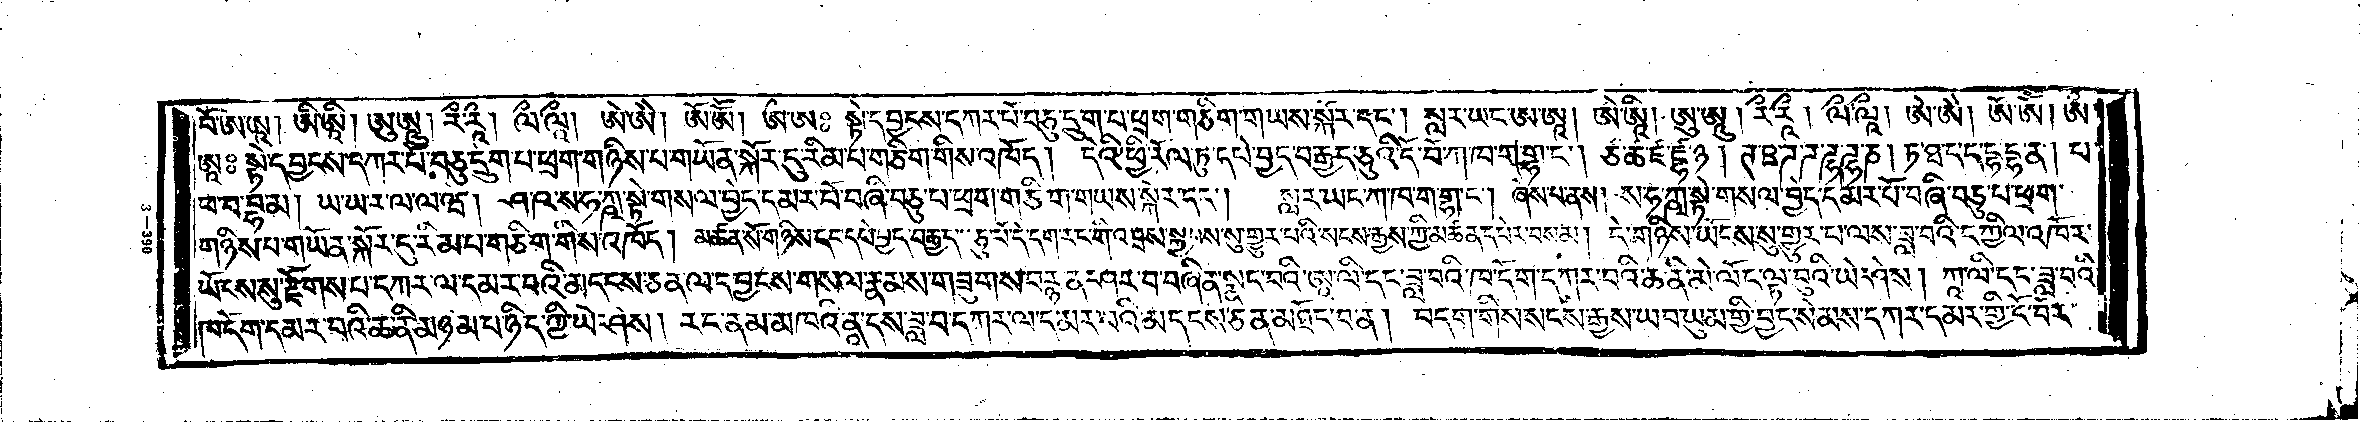བོ་ཨ་ཨཱ། ཨི་ཨཱི། ཨུ་ཨཱུ། རྀ་རཱྀ། ལྀལཱྀ། ཨེ་ཨཻ། ཨོ་ཨཽ། ཨྀ་ཨཿསྟེ་དབྱངས་དཀར་པོ་བཅུ་དྲུག་པ་ཕྲག་གཅིག་གཡས་སྐོར་དང་། སླར་ཡང་ཨ་ཨཱ། ཨེ་ཨཱི། ཨུ་ཨཱུ། རྀ་རཱྀ། ལྀ་ལཱྀ། ཨེ་ཨཻ། ཨོ་ཨོཾ། ཨཾ་
ཨཱཿསྟེ་དབྱངས་དཀར་པོ་བཅུ་དྲུག་པ་ཕྲག་གཉིས་པ་གཡོན་སྐོར་དུ་རིམ་པ་གཅིག་གིས་འཁོད། དེའི་ཕྱི་རོལ་ཏུ་དཔེ་བྱད་བརྒྱད་ཅུའི་དོ་བོ་ཀ་ལ་གགྷ་ང་། ཅ་ཆ་ཇ་ཛྷ་ཉ། ཊ་ཊཿཨ་ཌ་ཌ་ཌྷ་ཌྷ་ཎ། ཏ་ཐ་ད་ད་དྷ་དྷ་ན། པ་
ཕ་བ་བྷ་མ། ཡ་ཡ་ར་ལ་ལ་ཝ། ཤ་ཥ་ས་ཧ་ཀྵ་སྟེ་གསལ་བྱེད་དམར་པོ་བཞི་བཅུ་ཕྲག་གཅིག་གཡས་སྐོར་དང་། སླར་ཡང་ཀ་ཁ་ག་བྷ་དང་། ཞེས་པ་ནས།  ས་ཧ་ཀྵ་སྟེ་གསལ་བྱེད་དམར་པོ་བཞི་བཅུ་པ་ཕྲག་
གཉིས་པ་གཡོན་སྐོར་དུ་རིམ་པ་གཅིག་གིས་འཁོད། མཚན་སོ་གཉིས་དང་དཔེ་བྱད་བརྒྱད་ཅུ་པོ་དེ་དག་རང་གི་འབྲས་སྐྱབས་སུ་གྱུར་པའི་སངས་རྒྱས་ཀྱི་མཚན་དཔེར་བསམ།  དེ་གཉིས་ཡོངས་སུ་གྱུར་པ་ལས་ཟླ་བའི་དཀྱིལ་འཁོར་
ཡོངས་སུ་རྫོགས་པ་དཀར་ལ་དམར་བའི་མདངས་ཅན་ལ་དབྱངས་གསལ་རྣམས་གཟུགས་བརྙན་ཤར་བ་བཞིན་སྣང་བའི་ཨཱ་ལི་དང་ཟླ་བའི་ཁ་དོག་དཀར་བའི་ཆ་ནི་མེ་ལོང་ལྟ་བུའི་ཡེ་ཤེས། ཀཱ་ལི་དང་ཟླ་བའི་
ཁ་དོག་དམར་བའི་ཆ་ནི་མཉམ་པ་ཉིད་ཀྱི་ཡེ་ཤེས། རང་ནམ་མཁའི་ནཾ་དས་ཟླ་བ་དཀར་ལ་དམར་བའི་མདངས་ཅན་མཐོང་བ་ན། བདག་གིས་སངས་རྒྱས་ཡབ་ཡུམ་གྱི་བྱང་སེམས་དཀར་དམར་གྱི་ངོ་བོར་